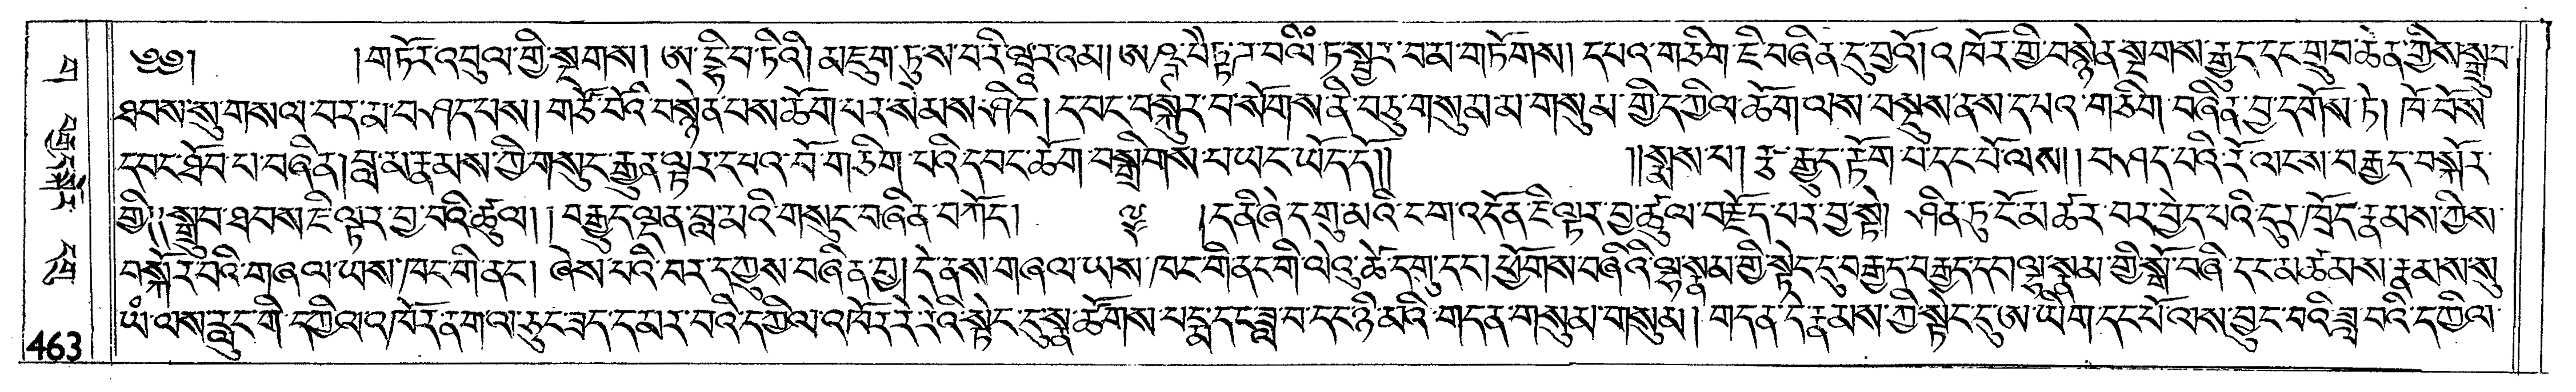༄༅། །གཏོར་འབུལ་གྱི་སྔགས། ཨ་དྷི་པ་ཏིའི། མཇུག་ཏུ་ས་པ་རི་ཝཱ་ར་འམ། ཨཥྚ་པཻཏྟ་ཌ་བལིཾ་ཏ་སྦྱར་བ་མ་གཏོགས། དཔའ་གཅིག་ཇི་བཞིན་དུ་བྱའོ། འཁོར་གྱི་བསྙེན་སྔགས་རྒྱུད་དང་གྲུབ་ཆེན་གྱིས་སྒྲུབ་
ཐབས་སུ་གསལ་བར་མ་བཤད་པས། གཙོ་བོའི་བསྙེན་པས་ཆོག་པར་སེམས་ཤིང་། དབང་བསྐུར་བ་སོགས་ནི་བཅུ་གསུམ་མ་གསུམ་གྱི་དཀྱིལ་ཆོག་ལས་བསྡུས་ནས་དཔའ་གཅིག་བཞིན་བྱ་དགོས་ཏེ། ཁོ་བོས་
དབང་ཐོབ་པ་བཞིན། བླ་མ་རྣམས་ཀྱི་གསུང་རྒྱུན་ལྟར་དཔའ་བོ་གཅིག་པའི་དབང་ཆོག་བསྒྲིགས་པ་ཡང་ཡོད་དོ།། །།སྨས་པ། རྩ་རྒྱུད་རྟོག་པ་དང་པོ་ལས། །བཤད་པའི་རོ་ལངས་བརྒྱད་བསྐོར་
གྱི། །སྒྲུབ་ཐབས་ཇི་ལྟར་བྱ་བའི་ཚུལ། །བརྒྱུད་ལྡན་བླ་མའི་གསུང་བཞིན་བཀོད། ༈ །ད་ནི་ཞེ་དགུ་མའི་ངག་འདོན་ཇི་ལྟར་བྱ་ཚུལ་བརྗོད་པར་བྱ་སྟེ། ཤིན་ཏུ་ངོ་མཚར་བར་བྱེད་པའི་དུར་ཁྲོད་རྣམས་ཀྱིས་
བསྐོར་བའི་གཞལ་ཡས་ཁང་གི་ནང་། ཞེས་པའི་བར་དཀྱུས་བཞིན་བྱ། དེ་ནས་གཞལ་ཡས་ཁང་གི་ནང་གི་ལེའུ་ཚེ་དགུ་དང་། ཕྱོགས་བཞིའི་ལྷ་སྣམ་གྱི་སྟེང་དུ་བརྒྱད་བརྒྱད་དང་། ལྷ་སྣམ་གྱི་སྒོ་བཞི་དང་མཚམས་རྣམས་སུ་
ཡཾ་ལས་རླུང་གི་དཀྱིལ་འཁོར་ནག་ལ་ཅུང་ཟད་དམར་བའི་དཀྱིལ་འཁོར་རེ་རེའི་སྟེང་དུ་སྣ་ཚོགས་པདམ་དང་ཟླ་བ་དང་ཉི་མའི་གདན་གསུམ་གསུམ། གདན་དེ་རྣམས་ཀྱི་སྟེང་དུ་ཨ་ཡིག་དང་པོ་ལས་བྱུང་བའི་ཟླ་བའི་དཀྱིལ་